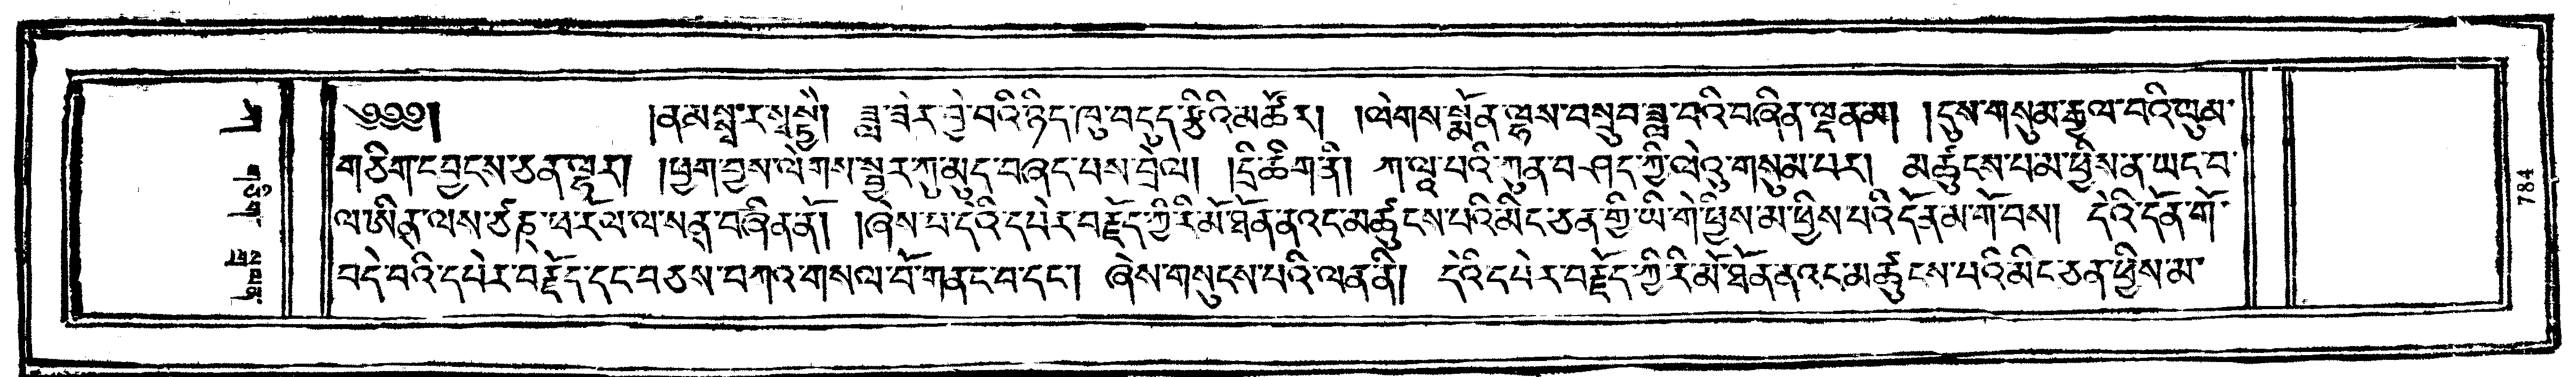༄༅༅། །ན་མ་སྶྭ་ར་སྭ་སྟྱི། ཟླ་ཟེར་བྱེ་པའི་ཉིད་ཁུ་བདུད་རྩིའི་མཚོར། །ལེགས་སྨོན་ལྷས་བསྲུབ་ཟླ་བའི་བཞིན་ལྡན། །དུས་གསུམ་རྒྱལ་བའི་ཡུམ་
གཅིག་དབྱངས་ཅན་ལྷར། །ཕྱག་བྱས་ལེགས་སྦྱར་ཀུ་མུད་བཞད་པས་བྲེལ། །དྲི་ཚིག་ནི། ཀ་ཝཱ་པའི་ཀུན་བཤད་ཀྱི་ལེའུ་གསུམ་པར། མཚུངས་པ་མ་ཕྱིས་ན་ཡང་བ་
ལ་ཨིན་ལས་ཙཎ་ཕ་རོལ་ལ་སནྲ་བཞིན་ནོ། །ཞེས་པ་དེའི་དཔེར་བརྗོད་ཀྱི་རི་མོ་ཐོན་ནའང་མཚུངས་པའི་མིང་ཅན་གྱི་ཡི་གེ་ཕྱིས་མ་ཕྱིས་པའི་དོན་མ་གོ་བས། དེའི་དོན་གོ་
བདེ་བའི་དཔེར་བརྗོད་དང་བཅས་བཀའ་གསལ་བོ་གནང་བ་དང་། ཞེས་གསུངས་པའི་ལན་ནི། དེའི་དཔེར་བརྗོད་ཀྱི་རི་མོ་ཐོན་ནའང་མཚུངས་པའི་མིང་ཅན་ཕྱིས་མ་